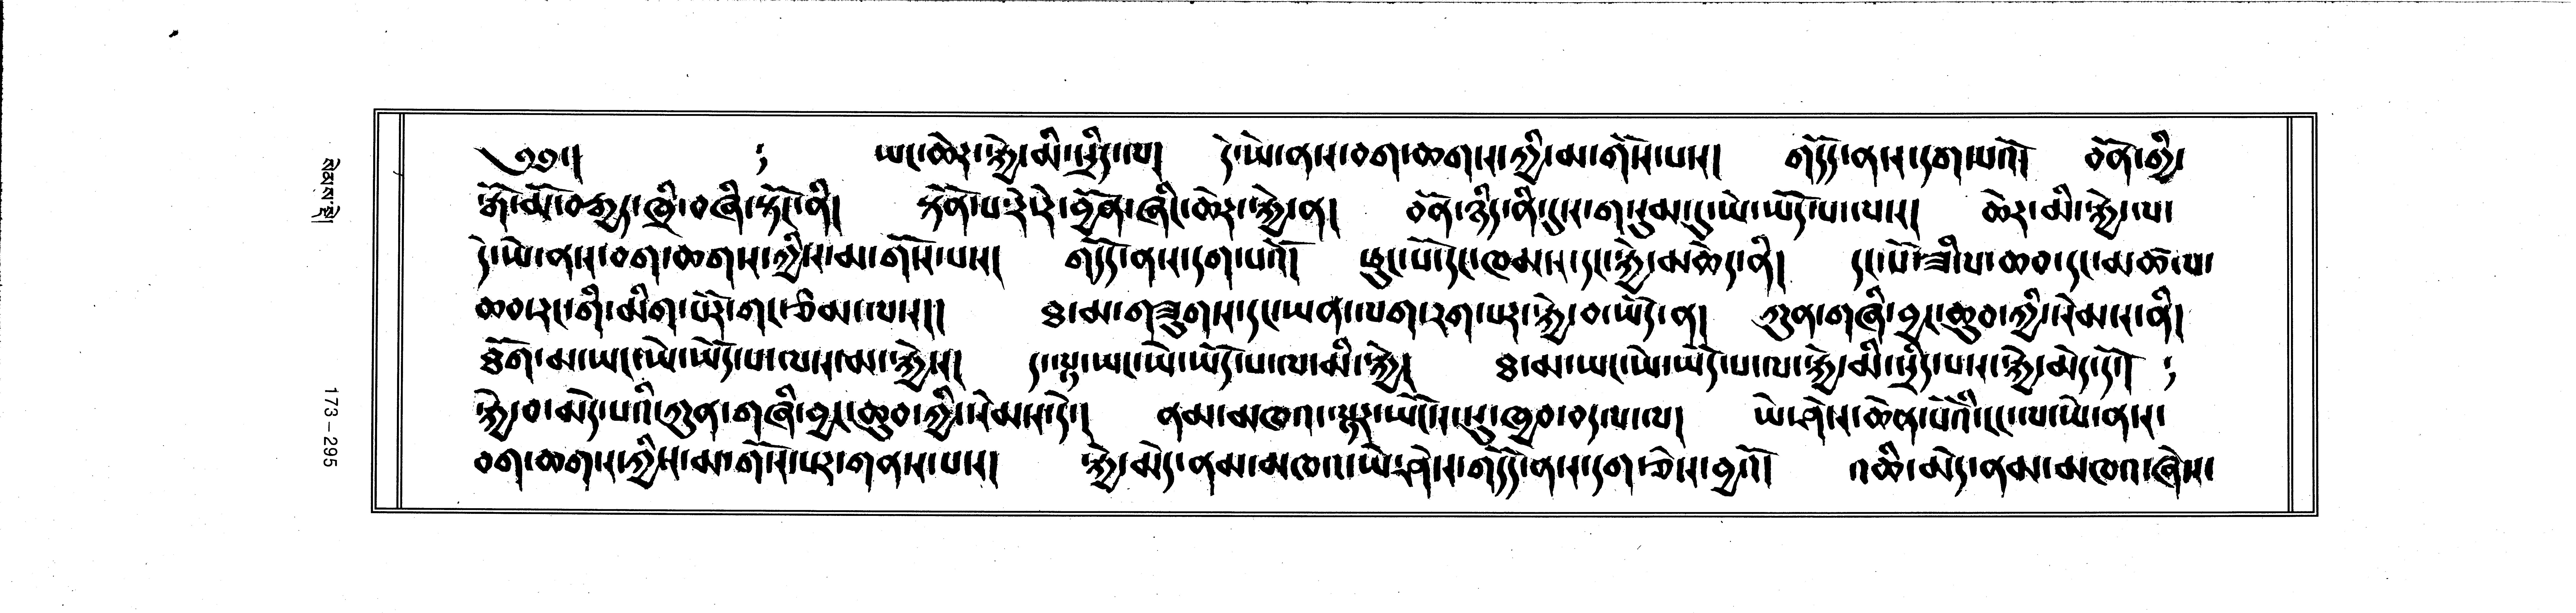ཡང་ཆེར་སྐྱེ་མི་སྲིད་ལ། དེ་ཡེ་ནས་བག་ཆགས་ཀྱིས་མ་གོས་པས། གདོད་ནས་དག་པའོ། །བོན་གྱི་
སྒོ་མོ་བརྒྱད་ཁྲི་བཞི་སྟོང་ནི། སྟོན་པ་རེ་རེ་བྱོན་ཞིང་ཆེར་སྐྱེ་ན། བོན་ཉིད་ནི་དུས་གསུམ་དུ་ཡེ་ཡོད་པ་ལས། ཆེར་མི་སྐྱེ་ལ། 
དེ་ཡེ་ནས་བག་ཆགས་ཀྱིས་མ་གོས་པས། གདོད་ནས་དག་པའོ། །ཕུང་པོ་དང་ཁམས་དང་སྐྱེ་མཆེད་ནི། དང་པོ་ཟིལ་ཆབ་དང་མཚལ་
ཆབ་རང་གི་མིག་ཕོར་གང་ཙམ་ལས། ཐ་མ་གཟུགས་དང་ཡན་ལག་རགས་པར་སྐྱེ་བ་ཡོད་ན། ཀུན་གཞི་བྱང་ཆུབ་ཀྱི་སེམས་ནི། 
ཐོག་མ་ཡང་ཡེ་ཡོད་པ་ལས་མ་སྐྱེས། ད་ལྟ་ཡང་ཡེ་ཡོད་པ་ལ་མི་སྐྱེ། ཐ་མ་ཡང་ཡེ་ཡོད་པ་ལ་སྐྱེ་མི་སྲིད་པས་སྐྱེ་མེད་དོ། །
སྐྱེ་བ་མེད་པའི་ཀུན་གཞི་བྱང་ཆུབ་ཀྱི་སེམས་དེ། ནམ་མཁའ་ལྟར་ཡོངས་སུ་ཁྱབ་བདལ་ལ། ཡེ་ཤེས་ཆེན་པོའི་ངང་ལ་ཡེ་ནས་
བག་ཆགས་ཀྱིས་མ་གོས་པར་གནས་པས། སྐྱེ་མེད་ནམ་མཁའ་ཡེ་ཤེས་གདོད་ནས་དག་ཅེས་བྱའོ། །འཆི་མེད་ནམ་མཁའ་ཞེས་